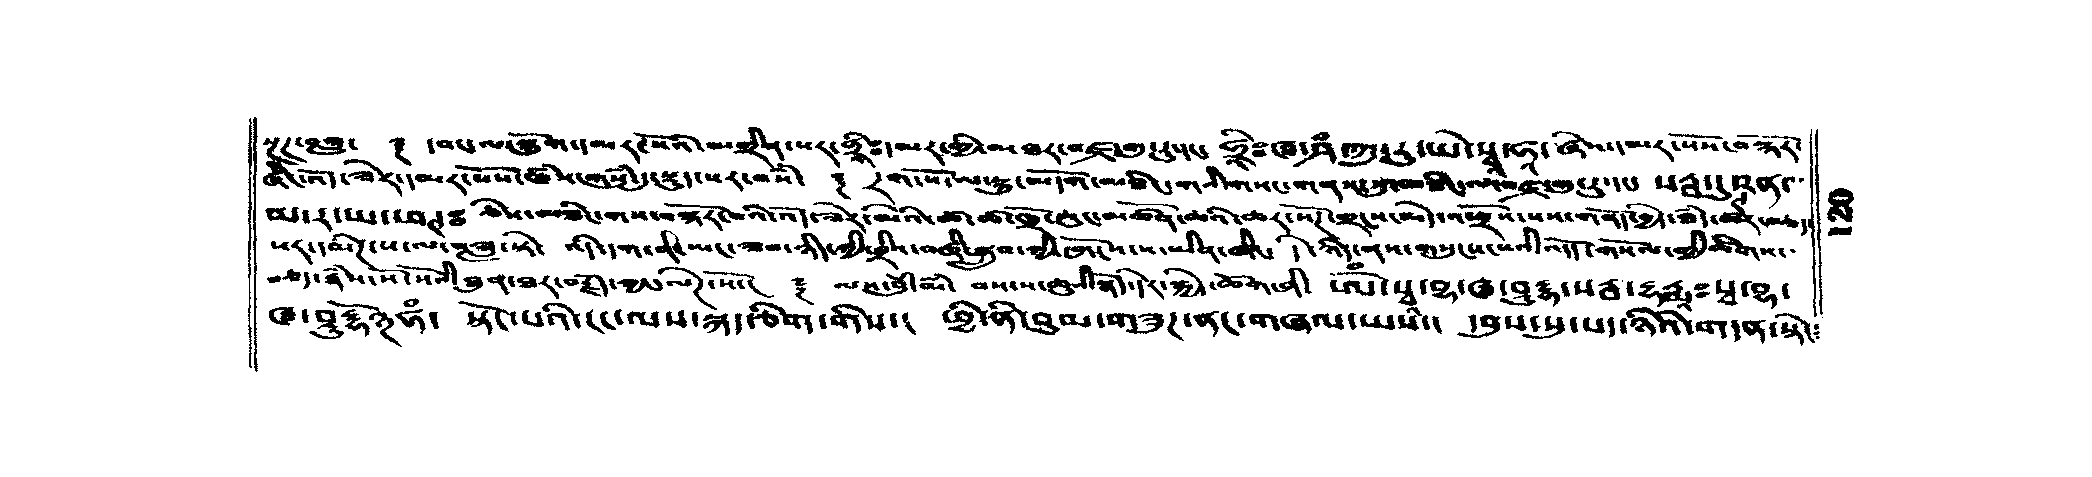སྔགས་བཟླ། ༈ དབང་ལ་སྐུ་མདོག་དམར་པོའི་མགྲིན་པར་ཧྲཱི་དམར་གྱི་མཐར་བཛྲ་གུ་རུ་དང་། ཧྲཱིཿཝ་ཤཾ་ཀུ་རུ་ཡེ་སྭཱ་ཧཱ་ཞེས་དམར་པོས་བསྐོར་
ཞིང་འོད་ཟེར་དམར་པོས་ཁམས་གསུམ་དབང་དུ་སྡུད་པར་བསམ། ༈ དྲག་པོ་ལ་སྐུ་མདོག་མཐིང་གའི་གསང་གནས་སུ་མཐིང་ལ་བཛྲ་གུ་རུ་དང་། སརྦ་དུ་ཥྚན་
མ་ར་ཡ་་ཕཊཿ ཅེས་མཐིང་གས་བསྐོར་བའི་འོད་ཟེར་མེའི་ཚ་ཚ་འཕྲོ་ཆུང་མཚོན་ཆའི་ཆར་སོགས་གྲངས་མེད་འཕྲོས་པས་གནོད་བྱེད་ཐམས་ཅད་ཚར་བཅད་
པར་དམིགས་ལ་བཟླ་སྟེ། འདི་དག་ནི་ཡང་ཟབ་ཉིད་ཀྱི་ཕྲིན་ལས་བཞི་སྒྲུབ་ཀྱི་དགོངས་པ་ཡིན་ཞིང་། དེ་ཉིད་ནས་གསུངས་པའི་འདོད་གསོལ་གྱི་ཚིགས་
བཅད་རྣམས་སོ་སོའི་ཐུན་མཐར་བརྗོད་ཀྱང་ལེགས་སོ། ༈ ལས་བུམ་མམ་བསངས་ཆུའི་སྣོད་དེར་སྐྱེད་ཆོག་ནི། ཨོྃ་སྭཱ་བྷ་ཝ་ཤུདྡྷ་སརྦ་དྷརྨཱཿསྭཱ་བྷ་
ཝ་ཤུ་དྡྷོཉཧཾ། སྟོང་པའི་ངང་ལས་སྐད་ཅིག་གིས། །ཕྱི་ནི་བུམ་གཟུགས་ནང་གཞལ་ཡས། །དབུས་སུ་པད་ཉིའི་གདན་སྟེང་དུ། །